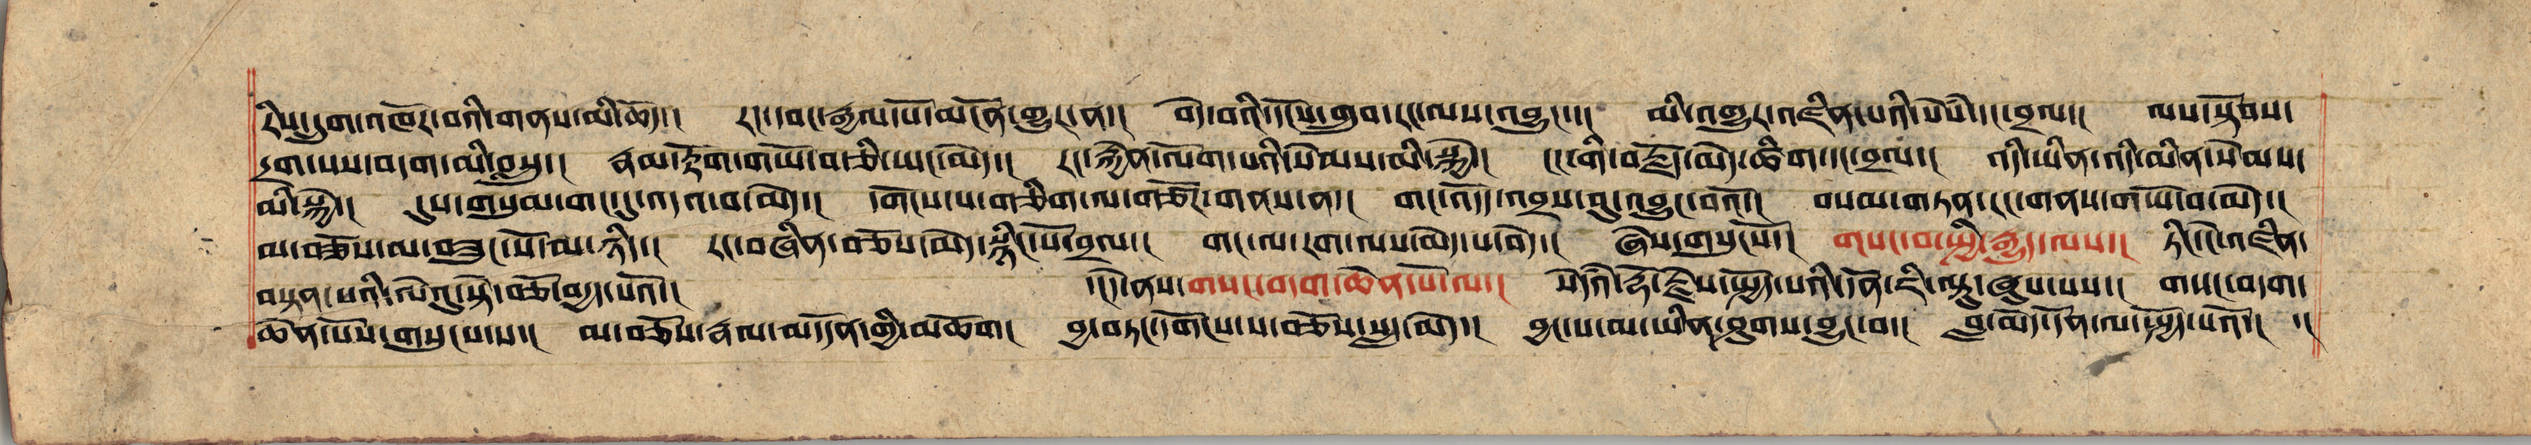རིས་དྲུག་འཁོར་བའི་གནས་མི་ཆོད་། རང་དབང་རྒྱལ་པོ་མངོན་གྱུར་ན་། བདེ་བའི་དངོས་གྲུབ་རང་ལས་འབྱུང་་། མི་འགྱུར་འཛིན་པའི་སེཾས་དང་བྲལ་། ལས་སྟོབས་
དྲག་པས་བདག་མི་བསླུ་། རྣམ་རྟོག་གཡོ་བ་ཅི་ཡང་མེད་། རང་རྐྱེན་ལོག་པའི་སེམས་མི་སྐྱེ་། ངང་གི་བརྗོད་མེད་ཚིག་དང་བྲལ་། འདི་ཡིན་འདི་མིན་སེམས་
མི་སྐྱེ་། དུས་གསུམ་གང་དུ་འདའ་བ་མེད་། དགོངས་པ་གཅིག་ལ་གཙོར་གནས་ན་། གང་འདོད་འབྲས་བུ་འབྱུང་བའོ་། བསམ་གཏན་ངང་གནས་གཡོ་བ་མེད་།
མ་བཅོས་མ་བཟུང་སོ་མ་ཉིད་། རང་བཞིན་བཅོས་མེད་སྙིང་པོ་བྲལ་། གང་ལ་རག་ལས་མེད་པ་བདེ་། ཞེས་གསུངསོ་། གསང་བ་སྤྱི་རྒྱུད་ལས་། ཏིང་ངེ་འཛིན་
བསྟན་པའི་ལེའུ་སྟེ་བཅོ་བདྱད་པའོ་། ་།དེ་ནས་གསང་བདག་ཆེན་པོ་ལ་། སེདཾའ་རྡོ་རྗེས་སྤྱོད་པའི་ཇི་ལྟུ་ཞུས་པས་། གསང་བདག་
ཆེན་པོས་གསུངས་པ་། མ་བཅོས་རྣལ་མ་དོན་གྱི་མཆོག། བྱ་བཏང་དགོངས་པ་བཅོས་སླད་མེད་། བྱང་པ་མ་ཡིན་ཤུགས་བྱུང་བ་། བླ་མེད་དོན་ལ་སྤྱོད་པའོ་། ་།